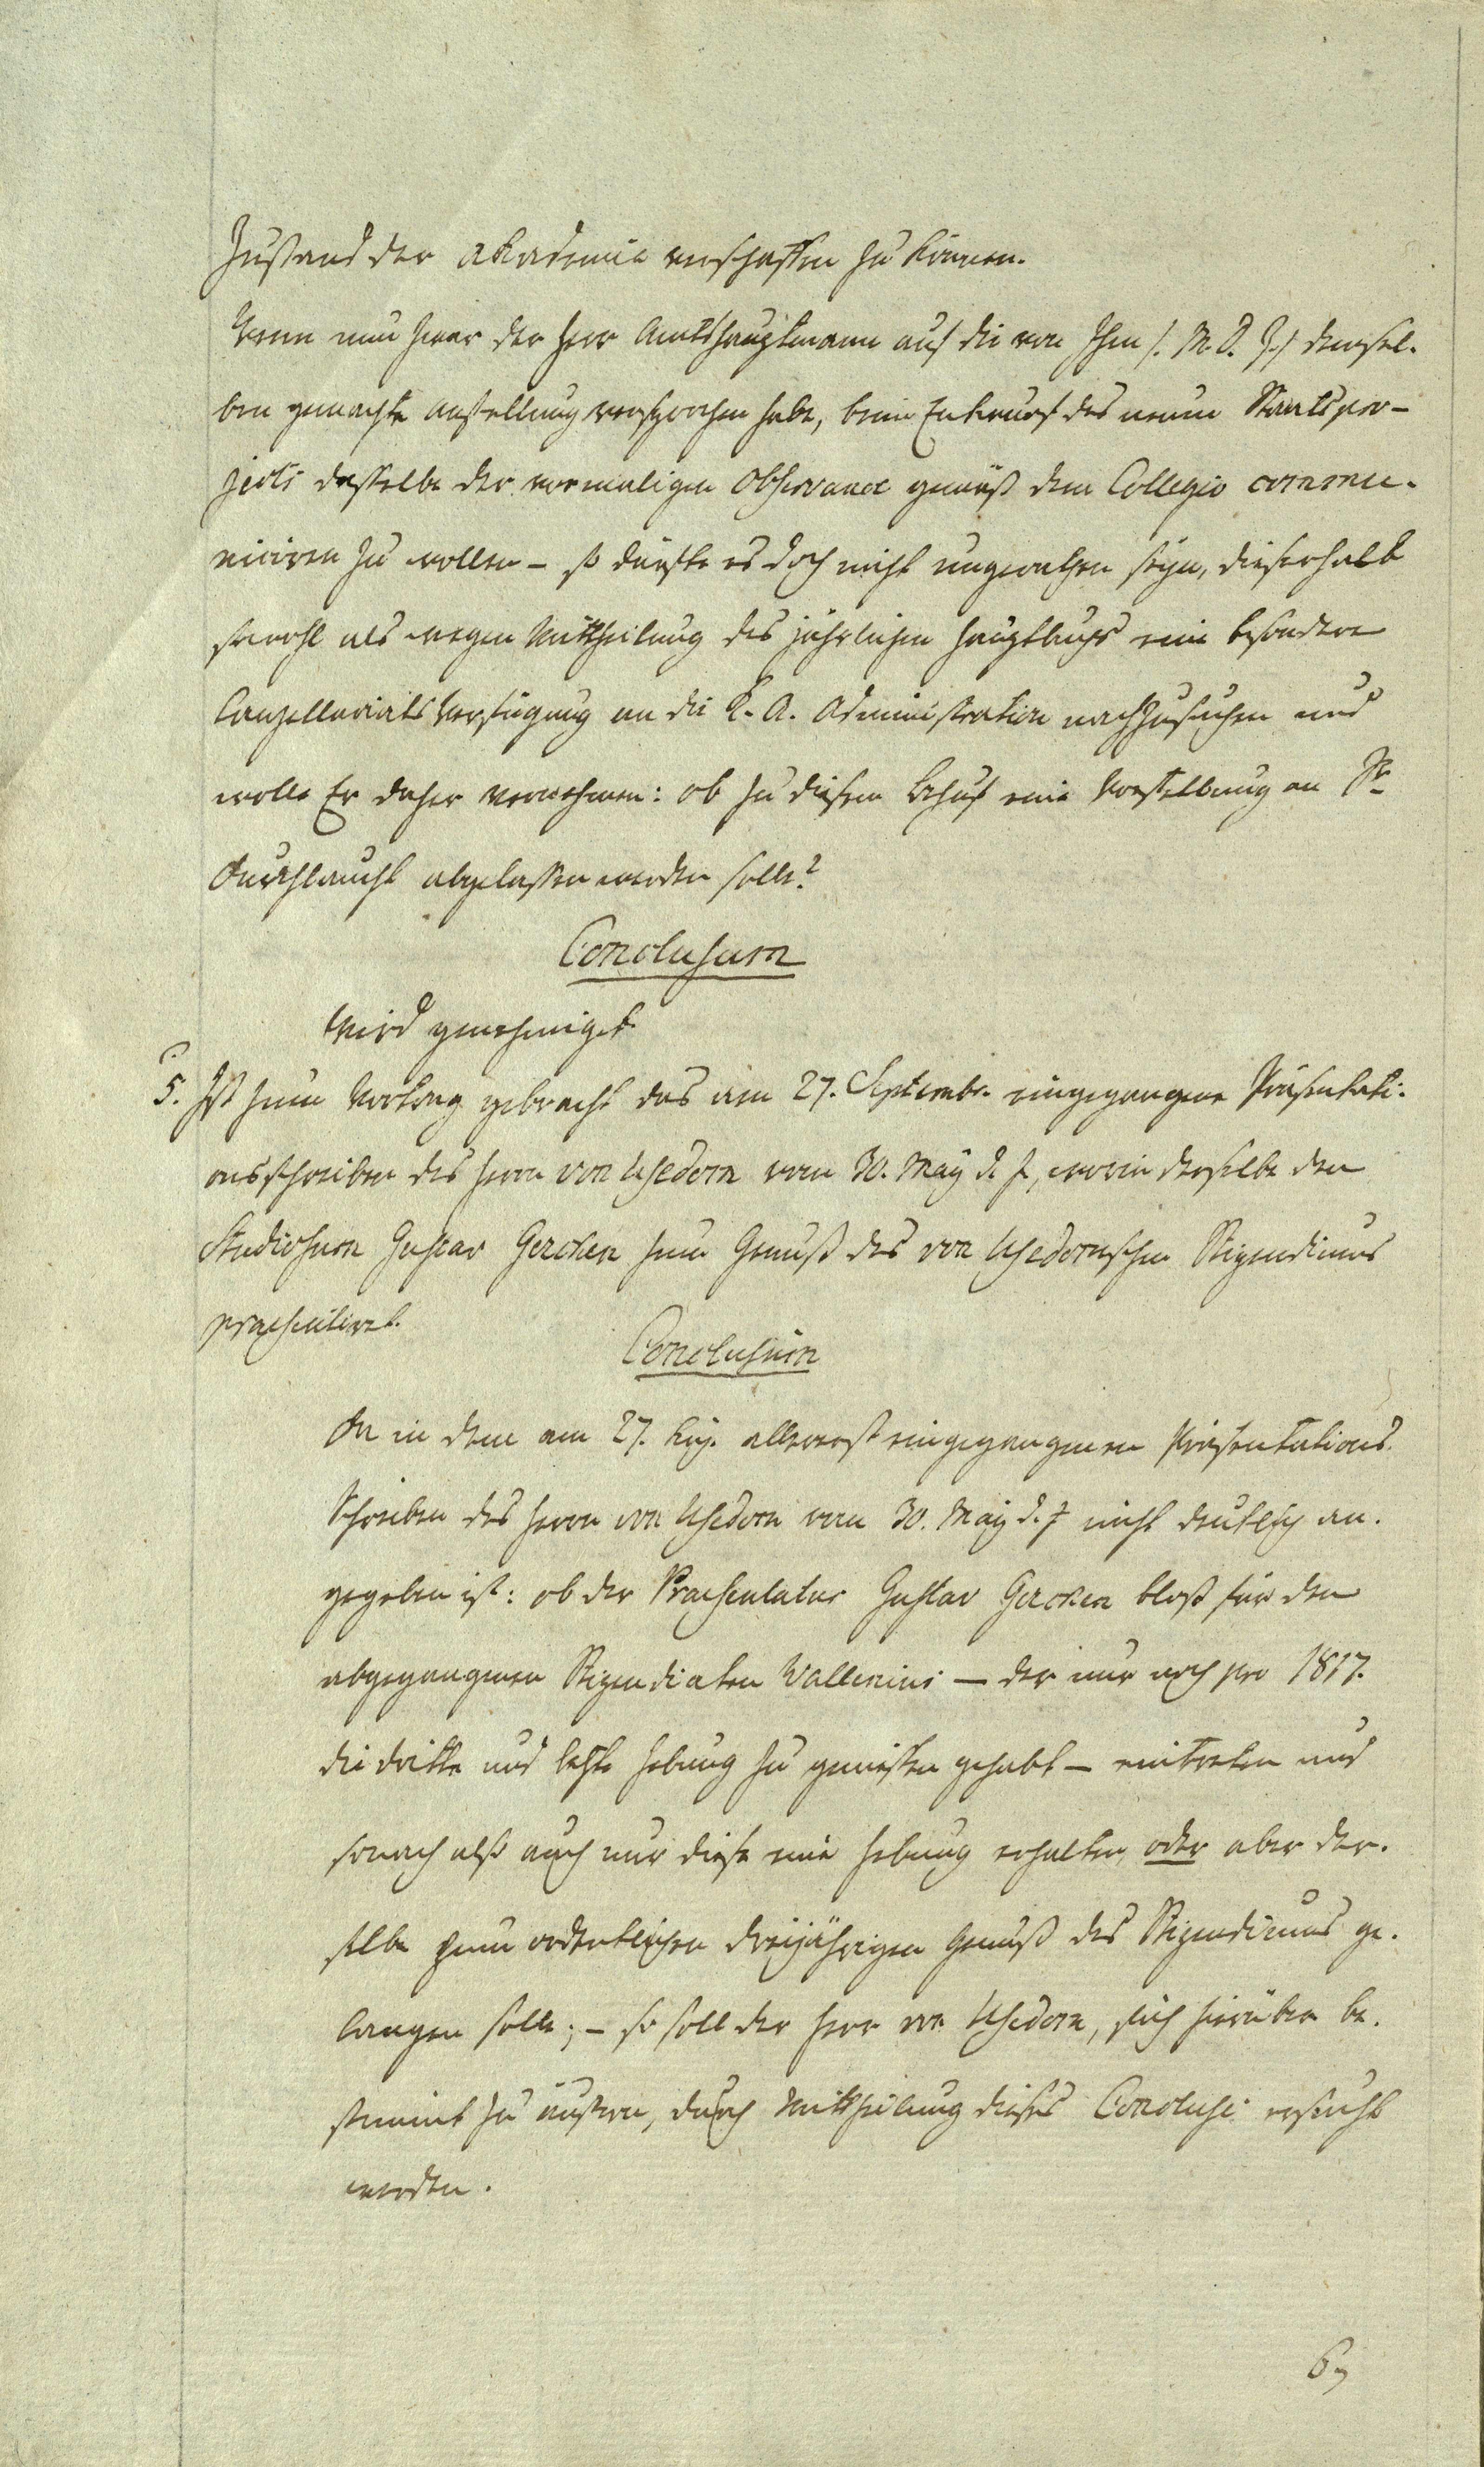Zustand der Akademie verschaffen zu können.
Wenn nun zwar der Herr Amtshauptmann auf die von Ihm / M. D. R./ demsel¬
ben gemachte Anstellung versprochen habe, beim Entwurf des neuen Staatspro¬
jects dasselbe der vormaligen Observance gemäß dem Collegio commu¬
niciren zu wollen - so dürfte es doch nicht angerathen seÿn, dieserhalb
sowohl als wegen Mittheilung des jährlichen Hauptbuchs eine besondere
Canzellariats Verfügung an die K. A. Administration nachzusuchen und
wolle Er daher vernehmen: ob zu diesem Behuf eine Vorstellung an Sr.
Durchlaucht abgelassen werden solle?
Conclusum
Wird genehmiget
5. Ist zum Vortrag gebracht das am 27. Septembr eingegangene Präsentati¬
onsschreiben des Herrn von Usedom vom 30. Maÿ d. J., worin derselbe den
Studiosum Gustav Gercken zum Genuß des von Usedomschen Stipendiums
praesentiret.
Conclusum
Da in dem am 27. huj. allererst eingegangenen Präsentations
Schreiben des Herrn von Usedom vom 30. Maÿ d. J. nicht deutlich an¬
gegeben ist: ob der Praesentatus Gustav Gercken bloß für den
abgegangenen Stipendiaten Wallenius - der nur noch pro 1817.
die dritte und letzte Hebung zu geniessen gehabt - eintreten und
sonach als auch nur diese eine Hebung erhalten oder aber der¬
selbe zum ordentlichen dreijährigen Genuß des Stipendiums ge¬
langen solle; - so soll der Herr von Usedom, sich hierüber be¬
stimmt zu äußern, durch Mittheilung dieses Conclusi ersucht
werden.